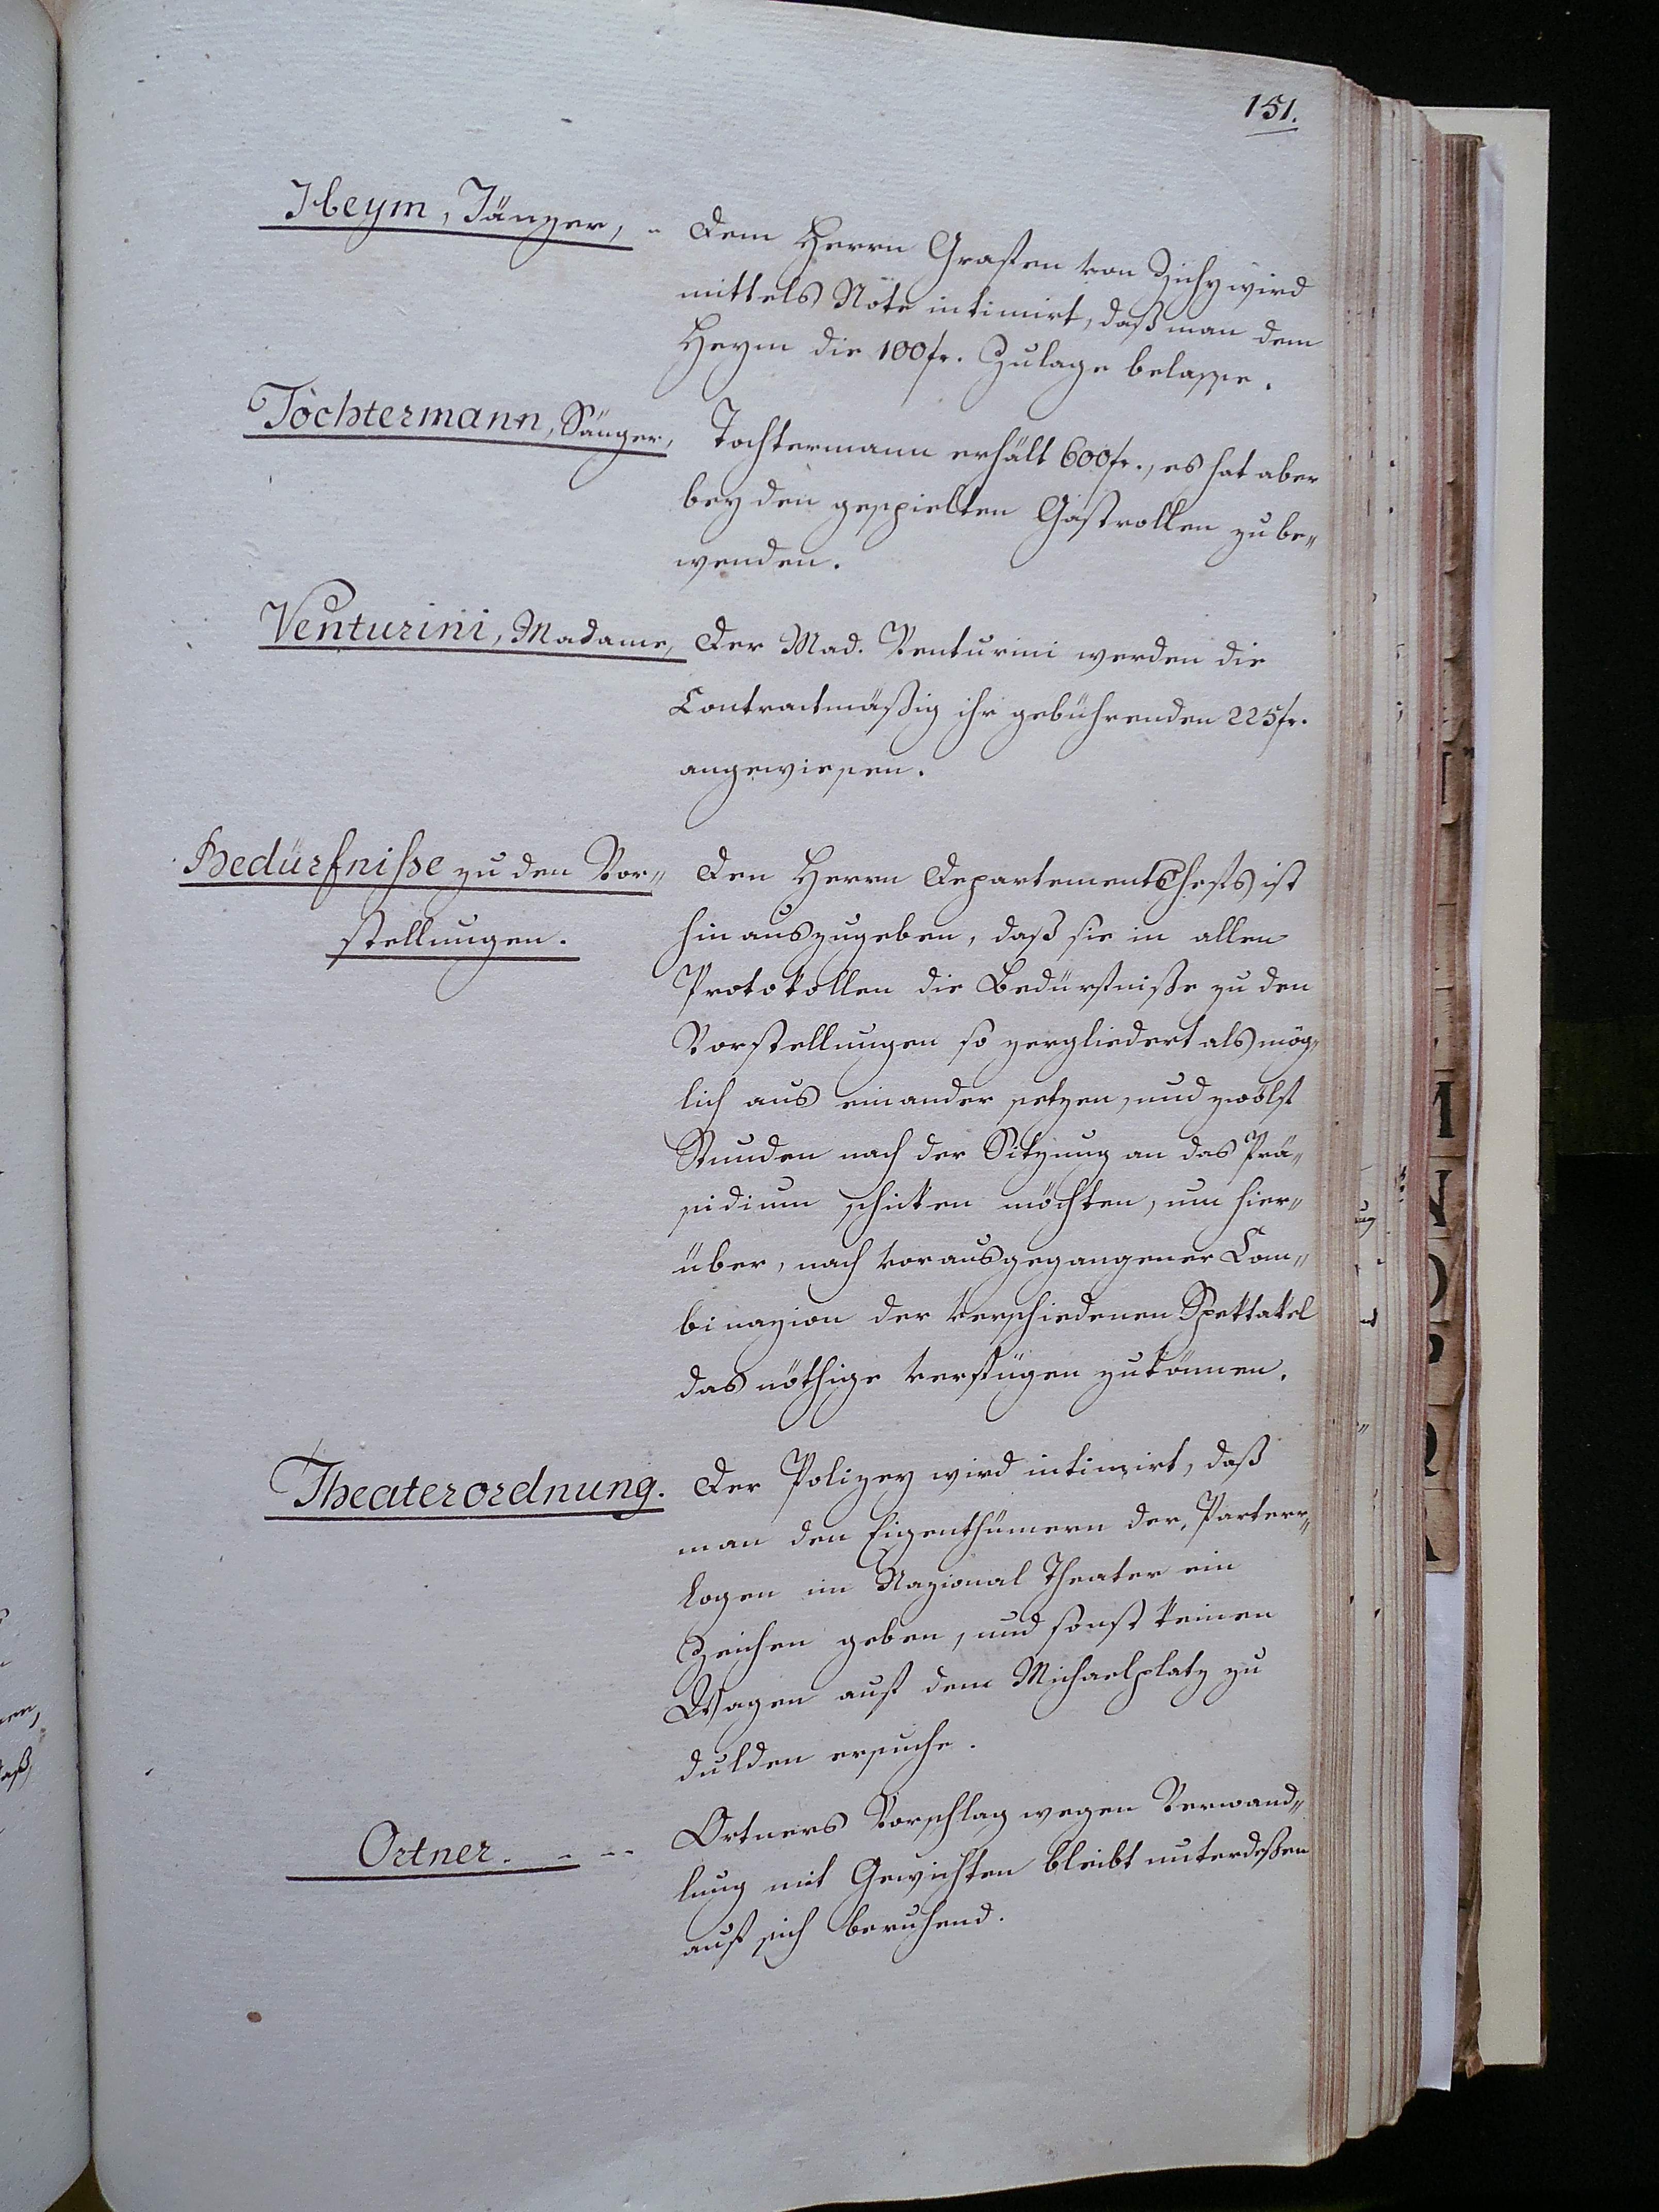151.
Heym, Tänzer, .. Dem Herrn Grafen von Zichy wird
mittels Note intimirt, daß man dem
Heym die 100fr. Zulage belasse.
Tochtermann, Sänger, Tochtermann erhält 600fr., es hat aber
bey den gespielten Gastrollen zu be¬
wenden.
Venturini, Madame, Der Mad. Venturini werden die
Contractmäßig ihr gebührenden 225fr.
angewiesen.
Bedürfnisse zu den Vor¬
stellungen.
Den Herrn Departenentchefs ist
hinauszugeben, daß sie in allen
Protokollen die Bedürfniße zu den
Vorstellungen so zergliedert als mö¬g
lich aus einander setzen, und zwölf
Stunden nach der Sitzung an das Prä¬
sidium schicken möchten, um hier¬
über, nach vorausgegangener Com¬
binazion der verschiedenen Spektakel
das nöthige verfügen zukönnen.
Theaterordnung. Der Polizey wird intimirt, daß
man den Eigenthümern der Parterr¬
logen im Nazional Theater ein
Zeichen geben, und sonst keinen
Wagen auf dem Michaelplatz zu
dulden ersuche.
Ortner. .. .. . Ortners Vorschlag wegen Verwand¬
lung mit Gewichten bleibt unterdeßen
auf sich beruhend.